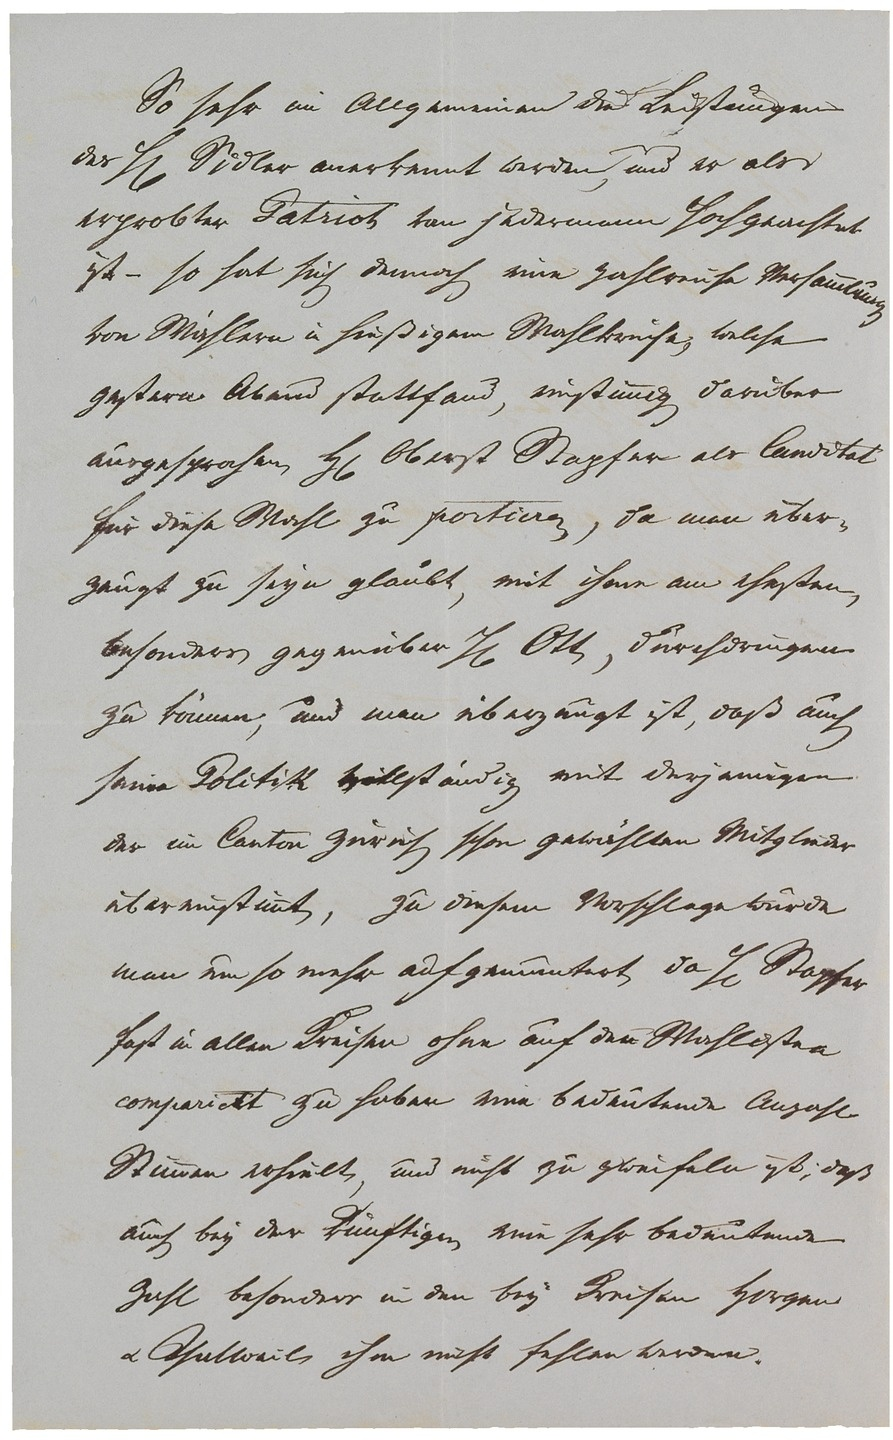So sehr im Allgemeinen die Leistungen
des H. Sidler anerkannt werden, und er als
erprobter Patriot von jedermann hochgeachtet
ist – so hat sich dennoch eine zahlreiche Versammlung
von Wählern in hießigem Wahlkreise, welche
gestern Abend stattfand, einstimmig darüber
ausgesprochen, Hr. Oberst Stapfer als Candidat
für diese Wahl zu portieren, da man über-
zeugt zu seyn glaubt, mit ihme am ehesten,
besonders gegenüber Hr. Ott, durchdringen
zu können, und man überzeugt ist, daß auch
seine Politik vollständig mit derjenigen
der im Canton Zürich schon gewählten Mitglieder
übereinstimmt, zu diesem Vorschlage wurde
man um so mehr aufgemuntert, da Hr. Stapfer
fast in allen Kreisen ohne auf den Wahllisten
compariert zu haben eine bedeutende Anzahl
Stimmen erhielt, und nicht zu zweifeln ist, daß
auch bey der künftigen eine sehr bedeutende
Zahl besonders in den beyden Kreisen Horgen
& Thalweil ihm nicht fehlen werden.